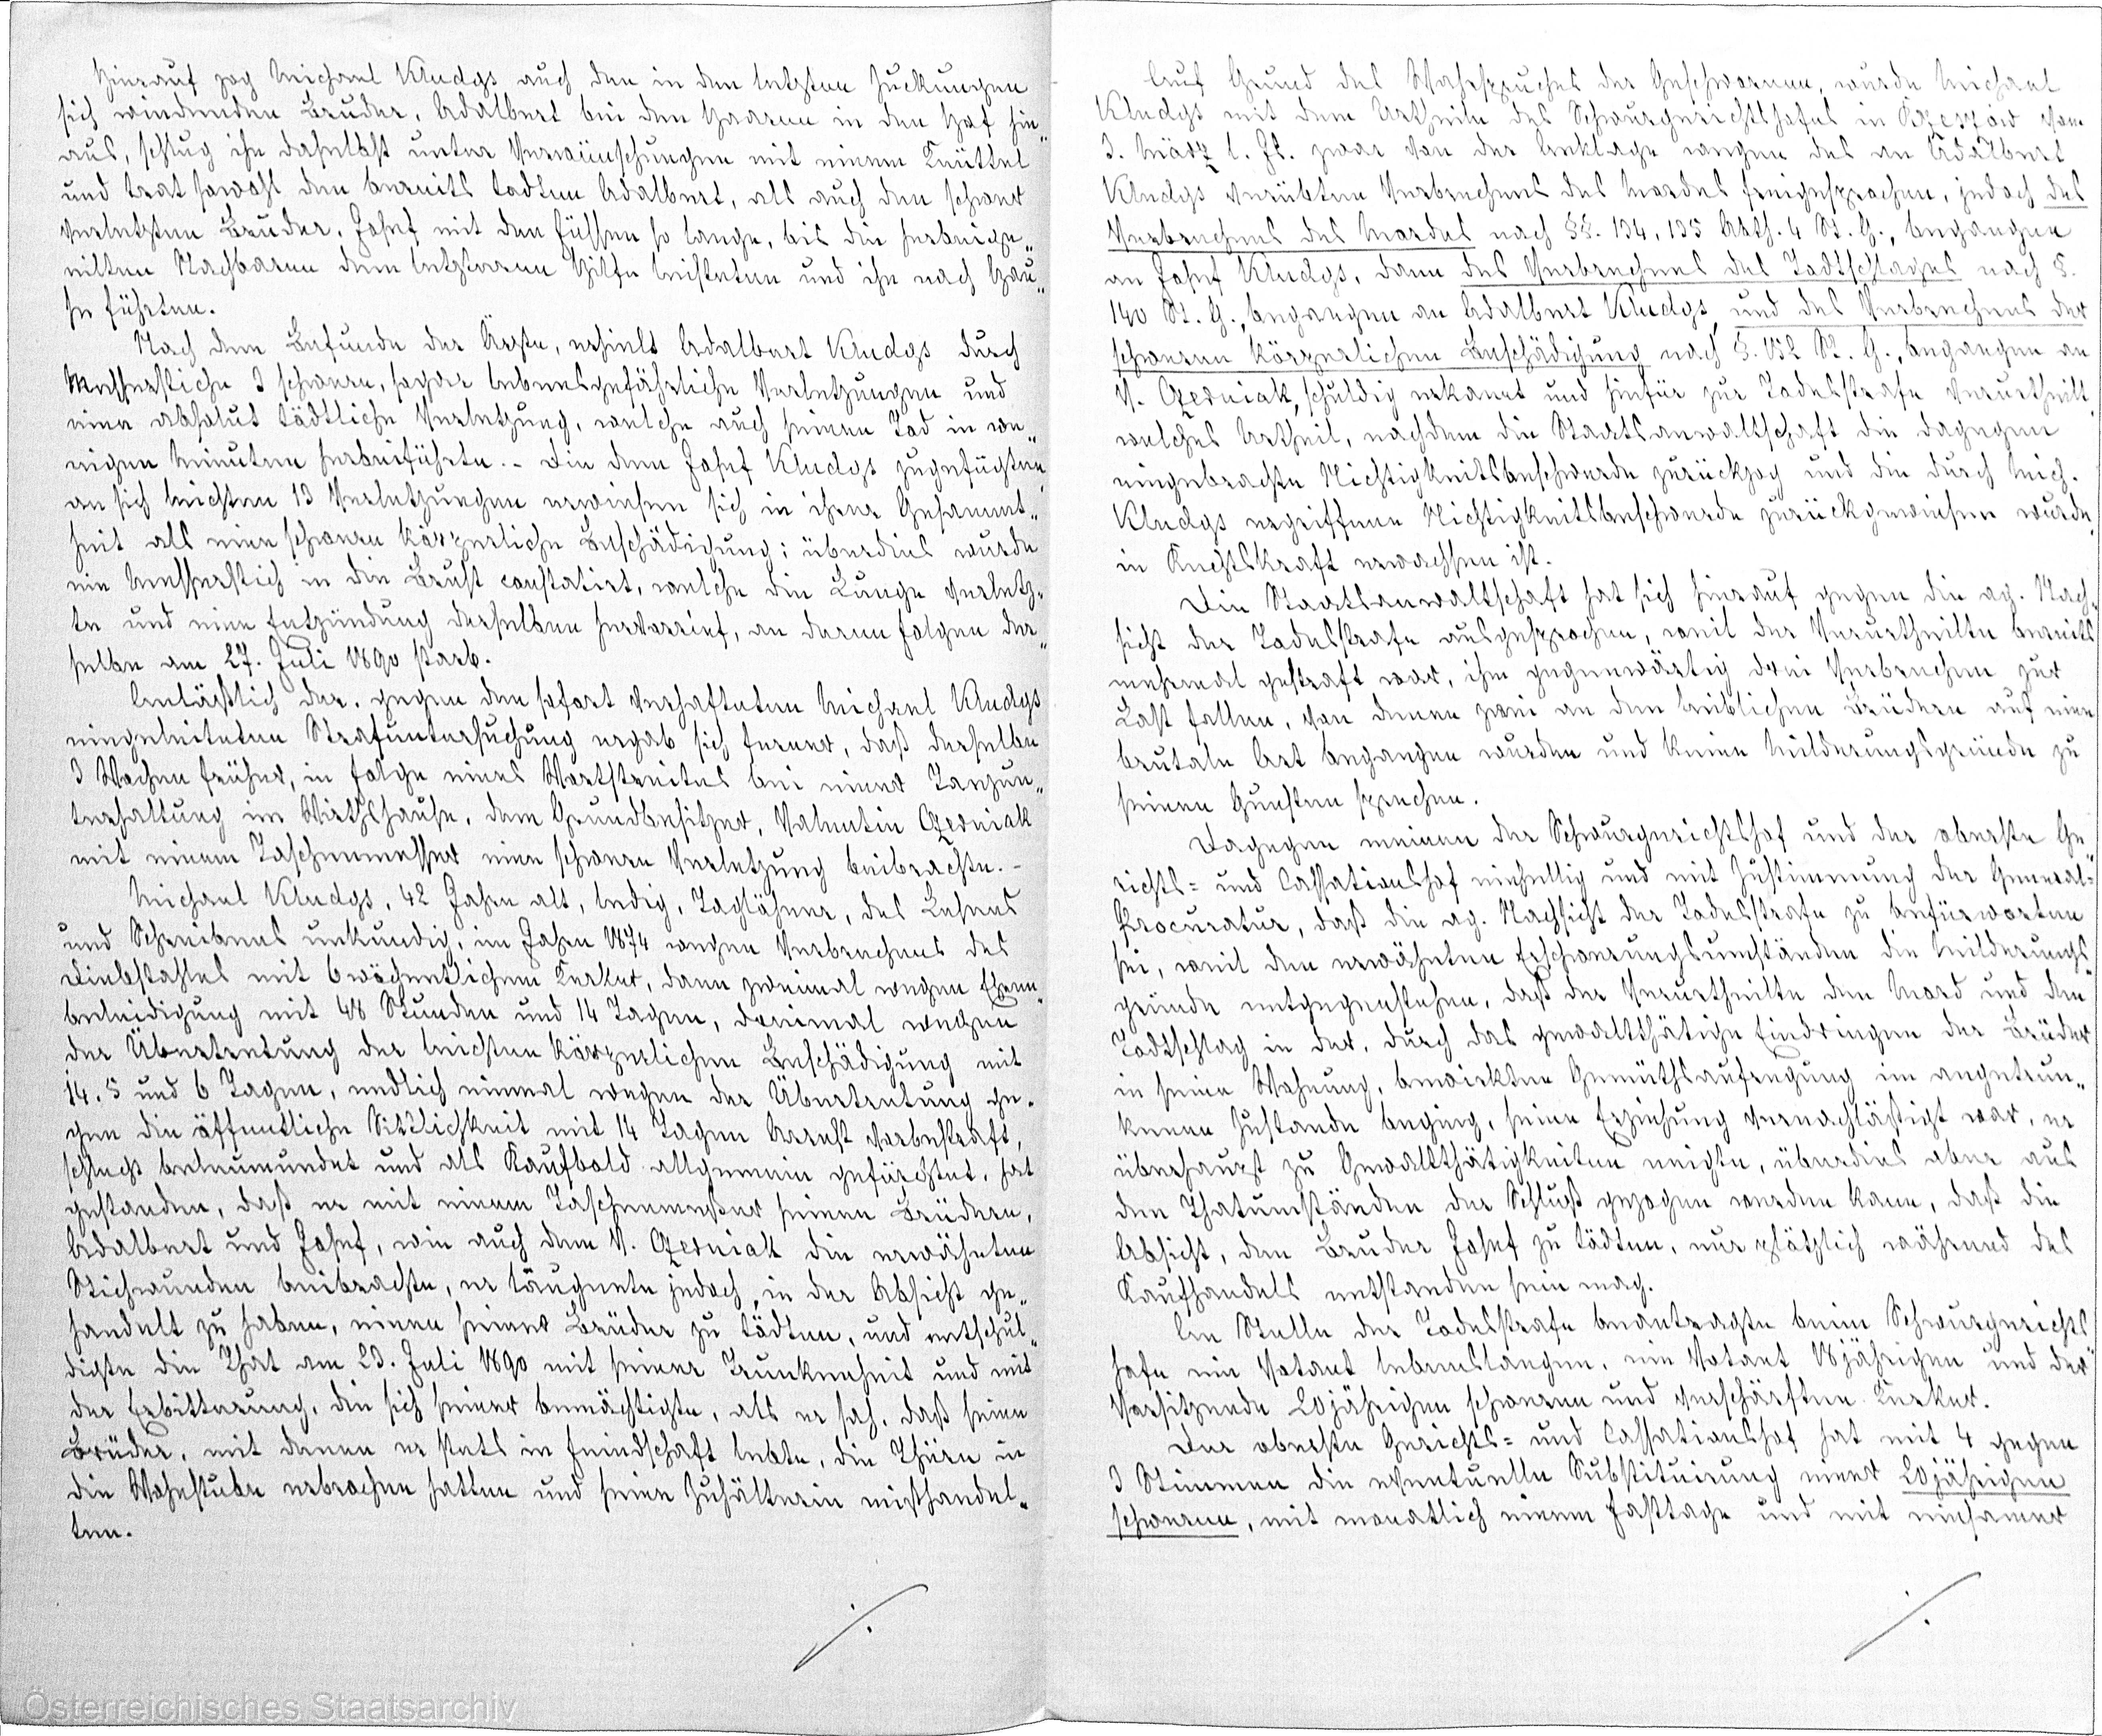Hierauf zog Michael Kludys auch den in den letzten Zuckungen
sich windenden Bruder, Adalbert bei den Haaren in den Hof hin¬
aus, schlug ihn daselbst unter Verwünschungen mit einem Knüttel
und trat sowohl den bereits todten Adalbert, als auch den schwer
verletzten Bruder, Josef mit den Füssen so lange, bis die herbeige¬
eilten Nachbaren dem letzteren Hilfe leisteten und ihn nach Hau¬
se führten.
Nach dem Befunde der Aerzte, erhielt Adalbert Kludys durch
Messerstiche 3 schwere, sogar lebensgefährliche Verletzungen und
eine absolut tödtliche Verletzung, welche auch seinen Tod in we¬
nigen Minuten herbeiführte. – Die den Josef Kludys zugefügten
an sich leichten 13 Verletzungen erwiesen sich in ihrer Gesammt¬
heit als eine schwere körperliche Beschädigung; überdies wurde
ein Messerstich in die Brust constatirt, welche die Lunge verletz¬
te und eine Entzündung derselben hervorrief, an deren Folgen der¬
selbe am 27. Juli 1890 starb.
Anläßlich der gegen den sofort verhafteten Michael Kludys
eingeleiteten Strafuntersuchung ergab sich ferner, daß derselbe
3 Wochen früher, in Folge eines Wortstreites bei einer Tanzun¬
terhaltung im Wirtshause, dem Grundbesitzer, Valentin Czedniak
mit einem Taschenmesser eine schwere Verletzung beibrachte.
Michael Kludys, 42 Jahre alt, ledig, Taglöhner, des Lesens
und Schreibens unkundig, im Jahre 1874 wegen Verbrechens des
Diebstahles mit 6wöchentlichen Kerker, dann zweimal wegen Ehren¬
beleidigung mit 48 Stunden und 14 Tagen, dreimal wegen
der Übertretung der leichten körperlichen Beschädigung mit
14, 5 und 6 Tagen, endlich einmal wegen der Übertretung ge¬
gen die öffentliche Sittlichkeit mit 14 Tagen Arrest vorbestraft,
schlecht beleumundet und al Raufbold allgemein gefürchtet, hat
gestanden, daß er mit einem Taschenmesser seinen Brüdern,
Adalbert und Josef, wie auch dem V. Czedniak die erwähnten
Stichwunden beibrachte, er läugnete jedoch, in der Absicht ge¬
handelt zu haben, einen seiner Brüder zu tödten, und entschul¬
digte die That am 23. Juli 1890 mit seiner Trunkenheit und mit
der Erbitterung, die sich seiner bemächtigte, als er sah, daß seine
Brüder, mit denen er stets in Feindschaft lebte, die Thüre in
die Wohnstube erbrachen hatten und seine Zuhälterin mißhandel¬
ten.
Auf Grund des Wahrspruches der Geschworene, wurde Michael
Kludys mit dem Urtheile des Schwurgerichtshofes in Rzeszów vom
3 März l. Js. zwar von der Anklage wegen des an Adalbert
Kludys verübten Verbrechens des Mordes freigesprochen, jedoch des
Verbrechens des Mordes nach §§ 134, 135 Akth. 4 St. G., begangen
an Josef Kludys, dann des Verbrechens des Todtschlages nach §
140 St. G. begangen an Adalbert Kludys, und des Verbrechens der
schweren körperlichen Beschädigung nach § 152 St. G. begangen an
V. Czedniak, schuldig erkannt und hiefür zur Todesstrafe verurtheilt
welches Urtheil, nachdem die Staatsanwaltschaft die dagegen
eingebrachte Nichtigkeitsbeschwerde zurückzog und die durch Mich.
Kludys ergriffene Nichtigkeitsbeschwerde zurückgewiesen wurde
in Rechtskraft erwachsen ist.
Die Staatsanwaltschaft hat sich hierauf gegen die ag. Nach¬
sicht der Todesstrafe ausgesprochen, weil der Verurtheilte bereits
mehrmal gestraft war, ihm gegenwärtig drei Verbrechen zur
Last fallen, von denen zwei an den leiblichen Brüder auf eine
brutale Art begangen wurden und keine Milderungsgründe zu
seinen Gunsten sprechen.
Dagegen meinen der Schwurgerichtshof und der oberste Ge¬
richts- und Cassationshof einhellig und mit Zustimmung der General¬
procuratur, daß die ag. Nachsicht der Todesstrafe zu befürworten
sei, weil den erwähnten Erschwerungsumständen die Milderungs¬
gründe entgegenstehen, daß der Verurtheilte den Mord und den
Todtschlag in der, durch das gewaltthätige Eindringen der Brüder
in seine Wohnung, bewirkten Gemüthsaufregung im angetrun¬
kenen Zustande beging, seine Erziehung vernachläßigt war, er
überhaupt zu Gewaltthätigkeiten neigte, überdies aber aus
den Thatumständen der Schluß gezogen werden kann, daß die
Absicht, den Bruder Josef zu tödten, nur plötzlich während des
Raufhandels entstanden sein mag.
An Stelle der Todesstrafe beantragte beim Schwurgerichts¬
hofe ein Votant lebenslangen, ein Votant 18jährigen und der
Vorsitzende 20jährigen schweren und verschärften Kerker.
Der oberste Gerichts- und Cassationhof hat mit 4 gegen
3 Stimmen die eventuelle Substituirung einer 20jährigen
schweren, mit monatlich einem Fasttage und mit einsamer